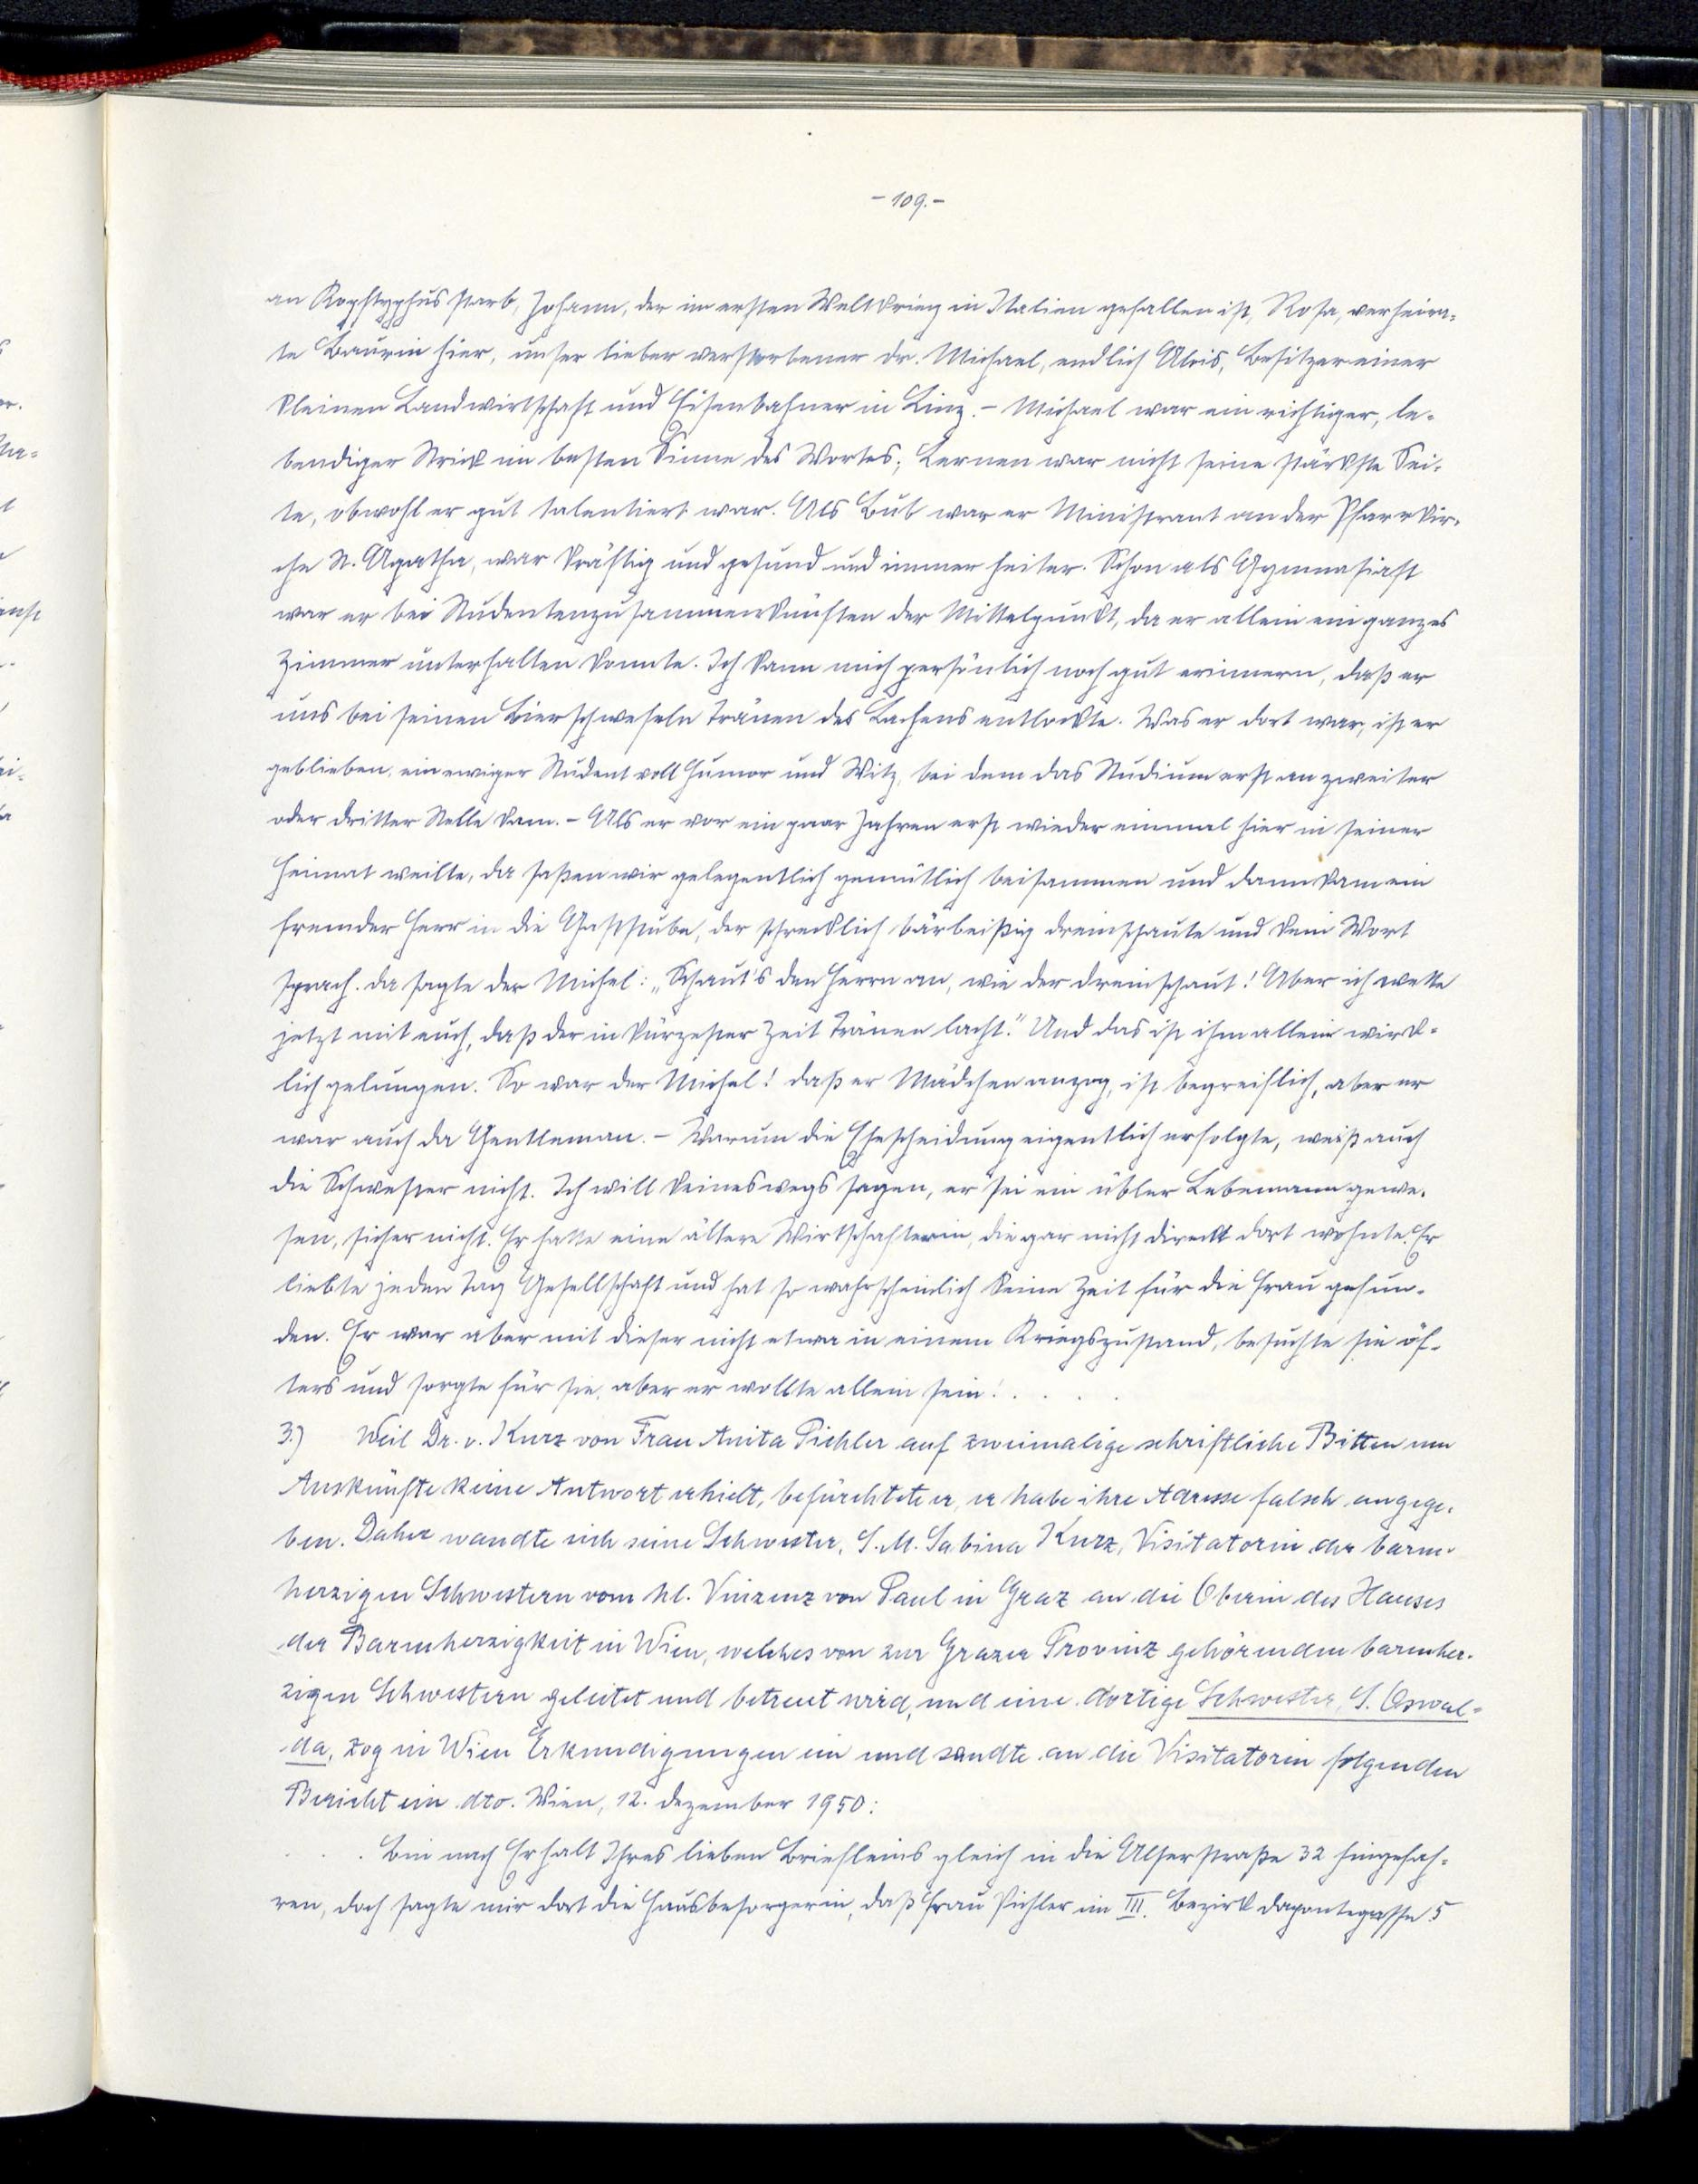109
an Kopftyphus starb. Johann, der im ersten Weltkrieg in Italien gefallen ist. Rosa, verheira-
ten Bäuerin hier, unser lieber verstorbener Dr. Michael, endlich Alois, Besitzer einer
kleinen Landwirtschaft und Eisenbahner in Linz. Michael war ein richtiger, le-
bendiger Strick im besten Sinne des Wortes, Lernen war nicht seine stärkste Sei-
te, obwohl er gut talentiert war. Als Bub war er Ministrant an der Pfarrkir-
che St. Agatha, war kräftig und gesund und immer heiter. Schon als Gymnasiast
war er bei Studentenzusammenkünften der Mittelpunkt, der er allein ein ganzes
Zimmer unterhalten konnte. Ich kann mich persönlich noch gut erinneren, dass er
uns bei seinen Bierschwesele Tränen des Lachens entlockte. Was er dort war, ist er
geblieben, ein ewiger „Student voll Humor und Witz bei dem das Studium erst an zweiter
oder dritter Stelle kann.- Als er vor ein paar Jahren erst wieder einmal hier in seiner
Heimat weilte, saßen wir gelegentlich gemütlich beisammen und dann kam ein
fremder Herr in die Gaststube, der schrecklich bärbeißig dreinschaute und kein Wort
sprach. Da sagte der Michael: "„Schauts den Herrn an, wie der reinschaut Aber ich wettee
jetzt mit euch, daß der in kürzester Zeit Tränen acht. Und das ist ihm allein wir-
lich gelungen. So war der Michael! Daß er Mädchen anzog, ist begreiflich, aber er
war auch da Gentleman. Warum die Ehescheidung eigentlich erfolgte, weiß auch
die Schwester nicht. Ich will keineswegs sagen, er sei ein übler Lebemann gewe-
sein, sicher nicht. Er hatte eine ältere Wirtschafterin, die gar nicht direkt dort wohnte. Er
liebte jeden Tag Gesellschaft und hat so wahrscheinlich keine Zeit für die Frau gefun-
den. Er war aber mit dieser nicht etwa in einem Kriegszustand, besuchte sie öf-
ter d und sorgte für sie aber er wollte allein sein...
3) Weil Dr. v. Kurz von Frau Anita Pichler auf zweimalige schrifliche Bitte um
Auskünfte keine Antwort erhielt, befürchtete er, er habe ihre Adresse falsch ange-
ben. Daher wandte auch seine Schwester, S. M. Sabina Kurz, Visitatorin der barm-
herzigen Schwestern von hl. Vinzenz von Paul in Graz an die Oberin des Hauses
der Barmherzigkeit in Wien, welches von zur Grazer Provinzt gehörenden barm-
herzigen Schwestern geleitet und betreut wird, und eine dortige Schwester, S. Oswal-
da, zog in Wien Erkundigungen ein und sandte an die Visitatorin folgenden
Bericht ein dsto. Wien, 12. Dezember 1950:
Bin nach Erhalt Ihres lieben Briefleins gleich in die Alserstraße 32 hingefah-
ren, doch sagte mir dort die Hausbesorgerin, das Frau Pichler im III. Bezirk Dapontegasse 5